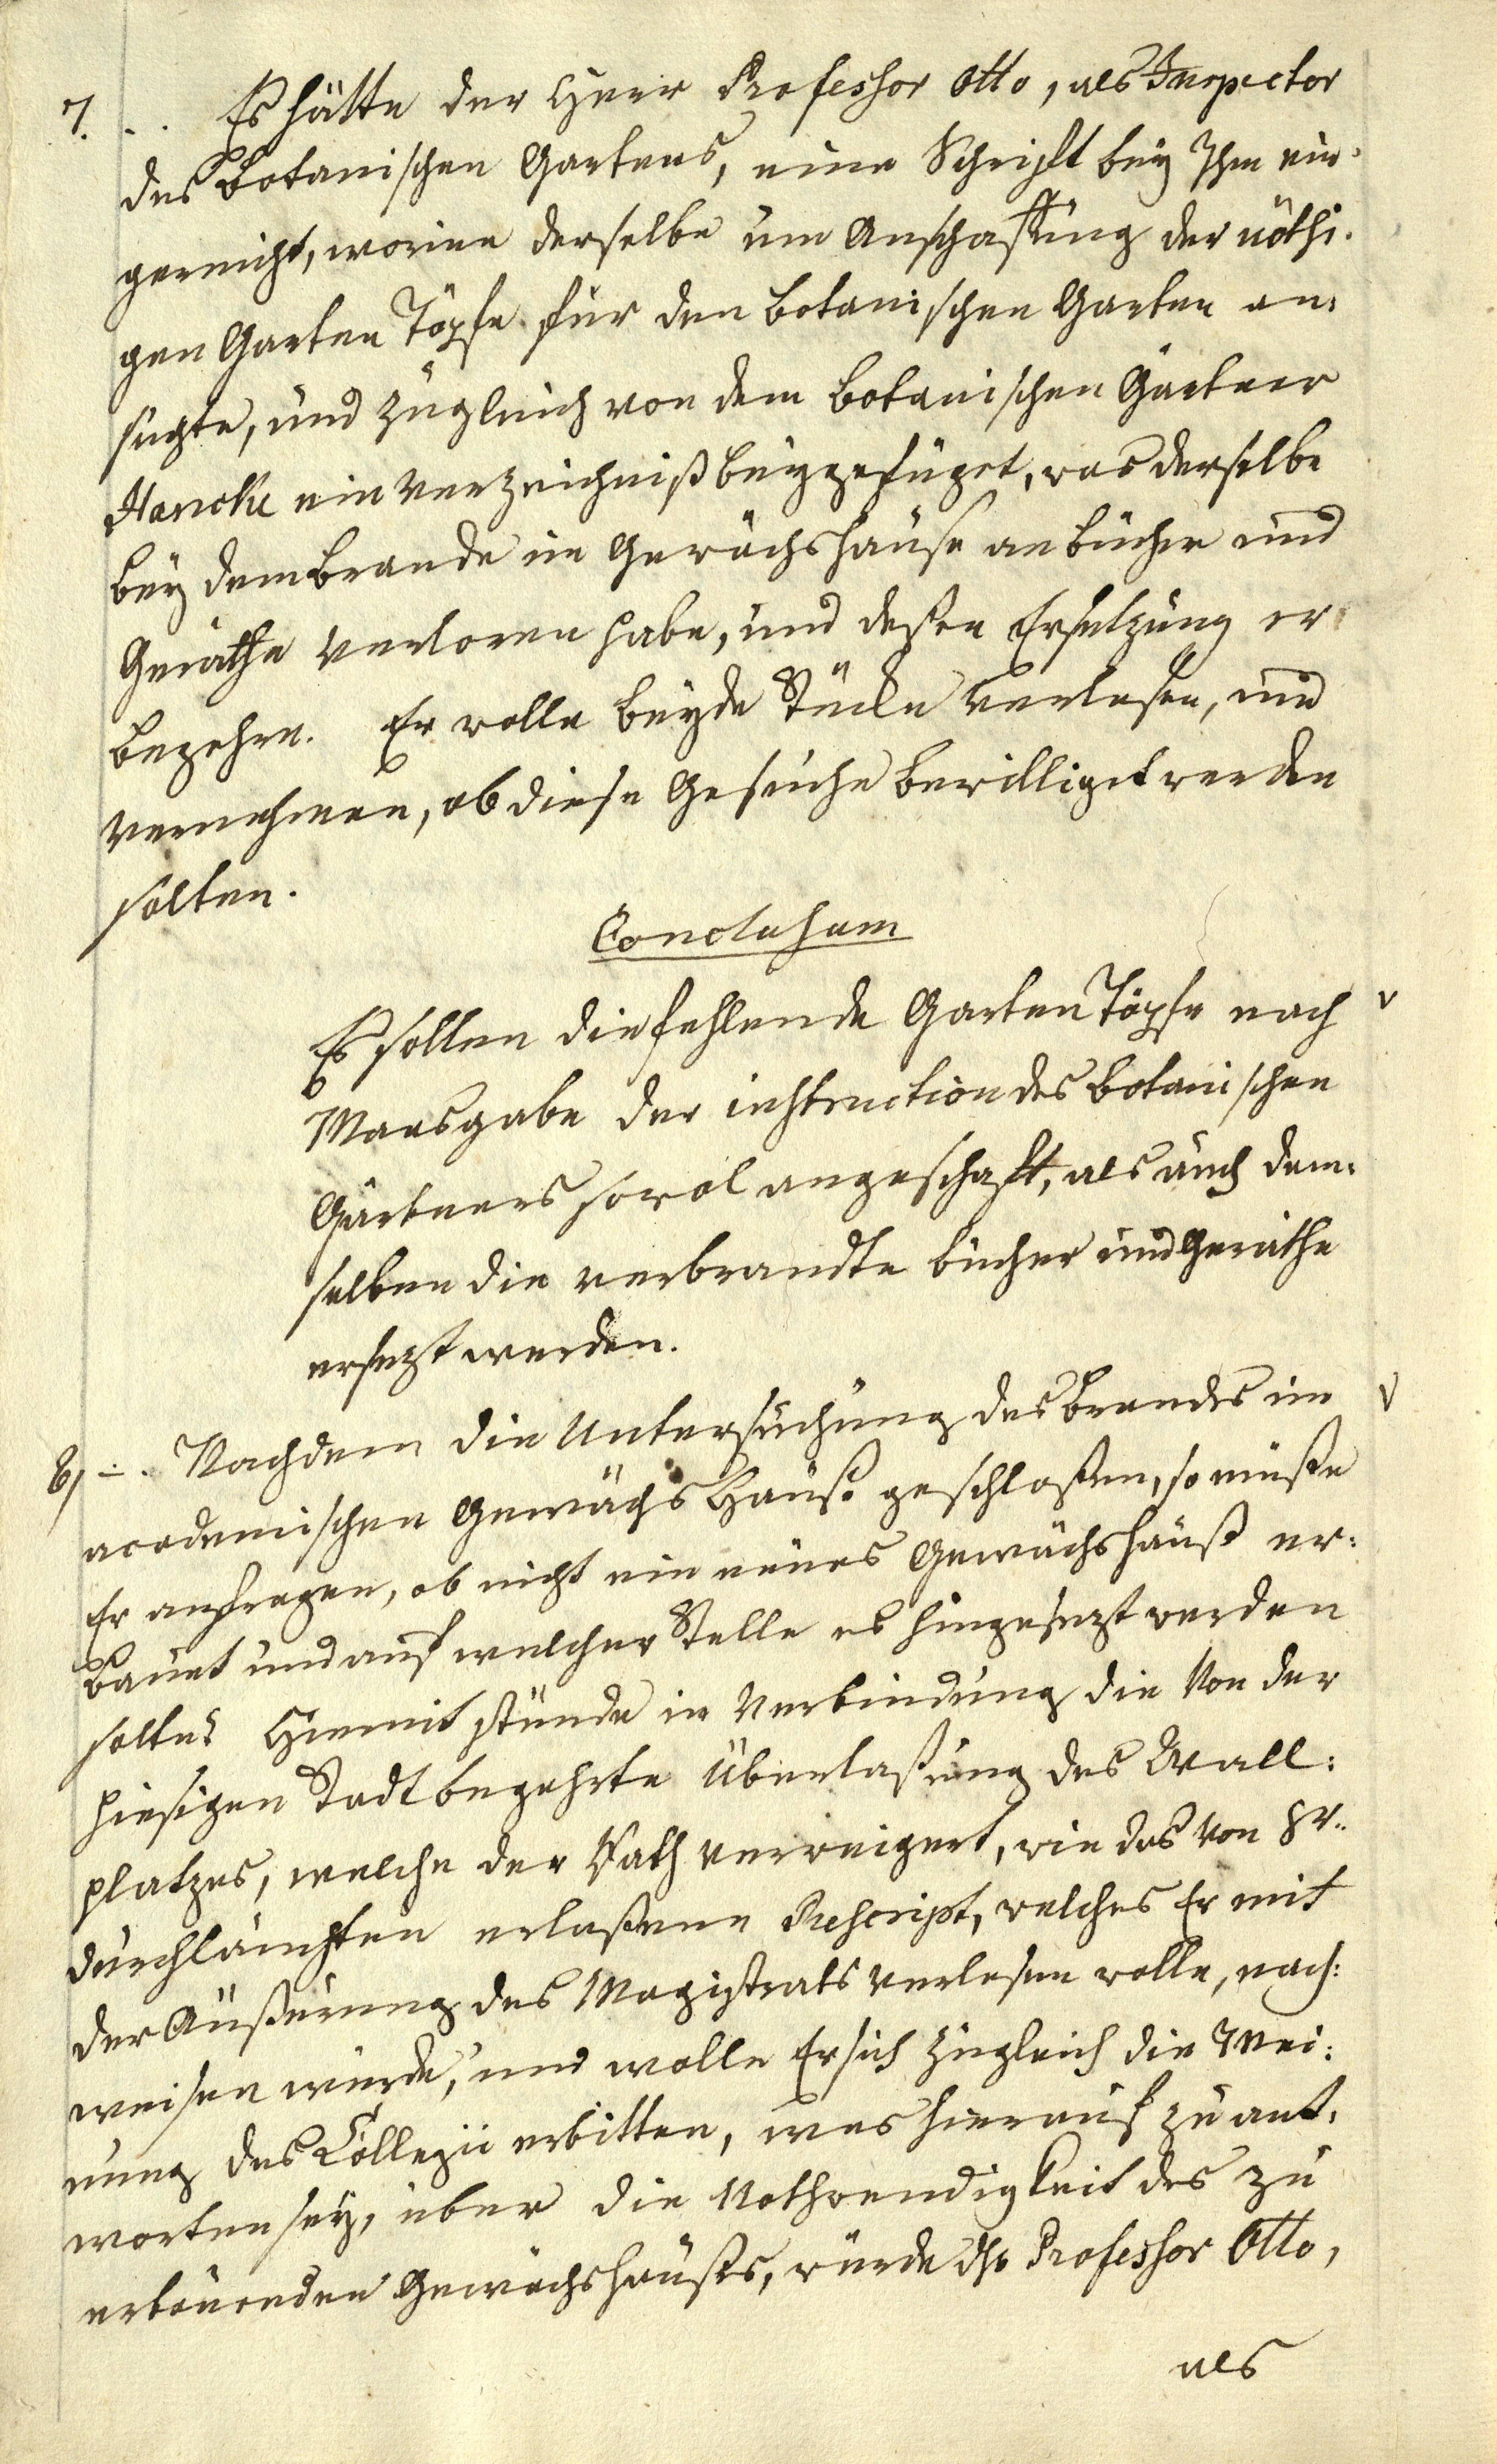7. Es hätte der Herr Professor Otto, als Inspector
des Botanischen Gartens, eine Schrift beÿ Ihm ein¬
gereicht, worin derselbe um Anschaffung der nöthi¬
gen Garten Töpfe für den Botanischen Garten an¬
suchte, und zugleich von dem Botanischen Gärtner
Hancke ein Verzeichniß beÿgefüget, was derselbe
beÿ dem Brande in Gewächshause an Bücher und
Geräthe verloren habe, und deßen Ersetzung er
begehre. Er wolle beÿde Stücke verlesen, und
vernehmen, ob diese Gesuche bewilliget werden
solten.
Conclusum
Es sollen die fehlende GartenTöpfe nach
Maasgabe der instruction des Botanischen
Gärtners sowol angeschaft, als auch dem¬
selben die verbrandte Bücher in Geräthe
ersezt werden.
8, Nachdem die Untersuchung des Brandes im
academischen Gewächs Hause geschloßen, so müße
Er anfragen, ob nicht ein neues Gewächshauß er¬
bauet und auf welcher Stelle es hingesezt werden
solte? Hiemit stünde in Verbindung die von der
hiesigen Stadt begehrte Überlaßung des Wall¬
platzes, welche der Rath verweigert, wie das von Sr.
Durchlauchten erlaßene Rescript, welches Er mit
der Äußerung des Magistrats verlesen wolle, nach¬
weisen würde, und wolle Er sich zugleich die Mei¬
nung des Collegii erbitten, was hierauf zu ant¬
worten seÿ, über die Nothwendigkeit des zu
erbauenden Gewächshauses, würde dh Professor Otto,
als